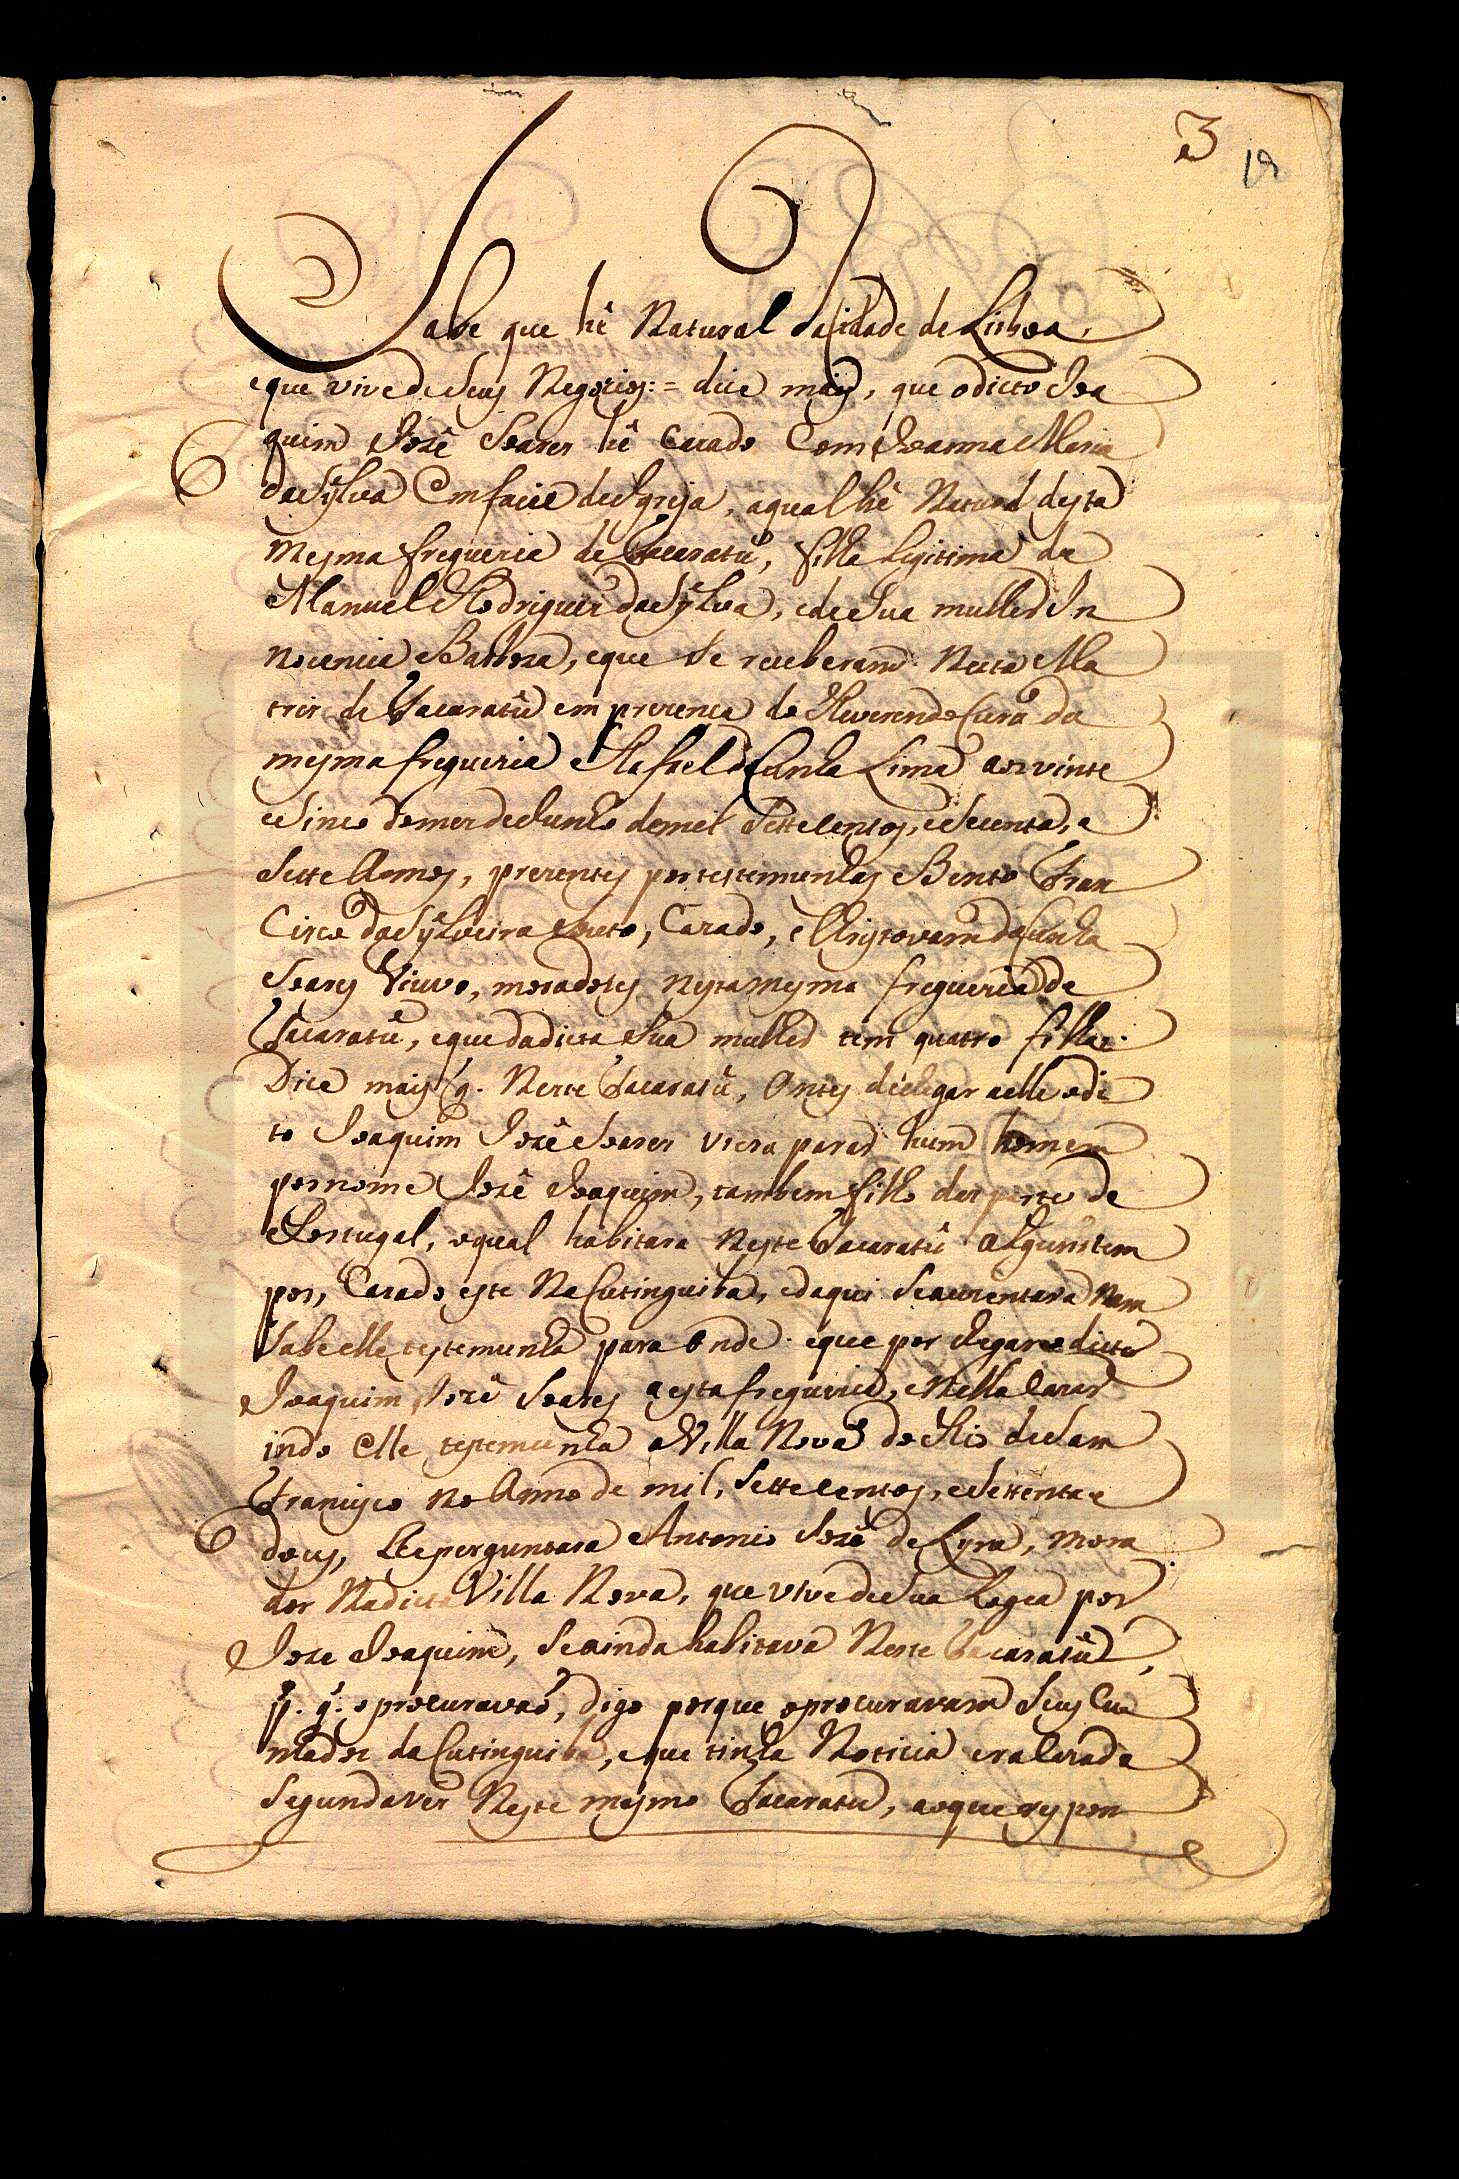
Sabe que hé Natural da Cidade de Lisboa,
e que vive de seus Negocios:= dice mais, que o dicto Ioa
quim Iozé Soares hé Cazado Com Ioanna Maria
da Sylva em facie de Igreja, a qual hé Natural desta
mesma freguezia de Tacaratú, filha Legitima de
Manuel Rodriguez da Sylva, e de Sua mulher In
nocencia Barboza, e que Se receberam Nessa Ma
triz de Tacaratú em prezenca do Reverendo Cura da
mesma freguezia Rafael Cunha Lima aoz vinte
e Sinco do mez de Iunho de mil settecentos, e secenta, e
Sette annos, prezentes por testemunhas Bento Fran
Cisco da SyLveira Souto, Cazado, e Christovam da Cunha
Soares Viuvo, moradores nesta mesma freguezia de
Tacaratú, e que da dicta Sua mulher tem quatro filhaz.
Dice mais q̄. Nezte Tacaaratú, antes de chegar a elle o di
to Ioaquim Iozé Soares viera parar hum homem
por nome Iozé Ioaquim, tambem filho daz parte de
Portugal, o qual habitara neste Tacaratú aLguns tem
po, Cazado este Na Cutinguita, e daqui Se auzentara nam
Sabe elle testemunha para onde e que por chegar o dicto
Ioaquim Iozé Soares a esta freguezia, e nella Cazar
indo elle testemunha a Villa Nova do Rio de Sam
Francisco no anno de mil, settecentos, e settenta e
dous, Lhe perguntara Antonio Iozé de Lyra, mora
dor Na dicta Villa Nova, que vive de Sua Logia por
Ioze Ioaquim, se ainda habitava Neste Tacaratú,
pr.q̄. o procuravaõ, digo porque o procuravam Seus Cu
nhadoz da Cutinguiba, e que tinha Noticia era Cazada
segunda ves Neste mesmo Tacaratú, ao que respon
3
